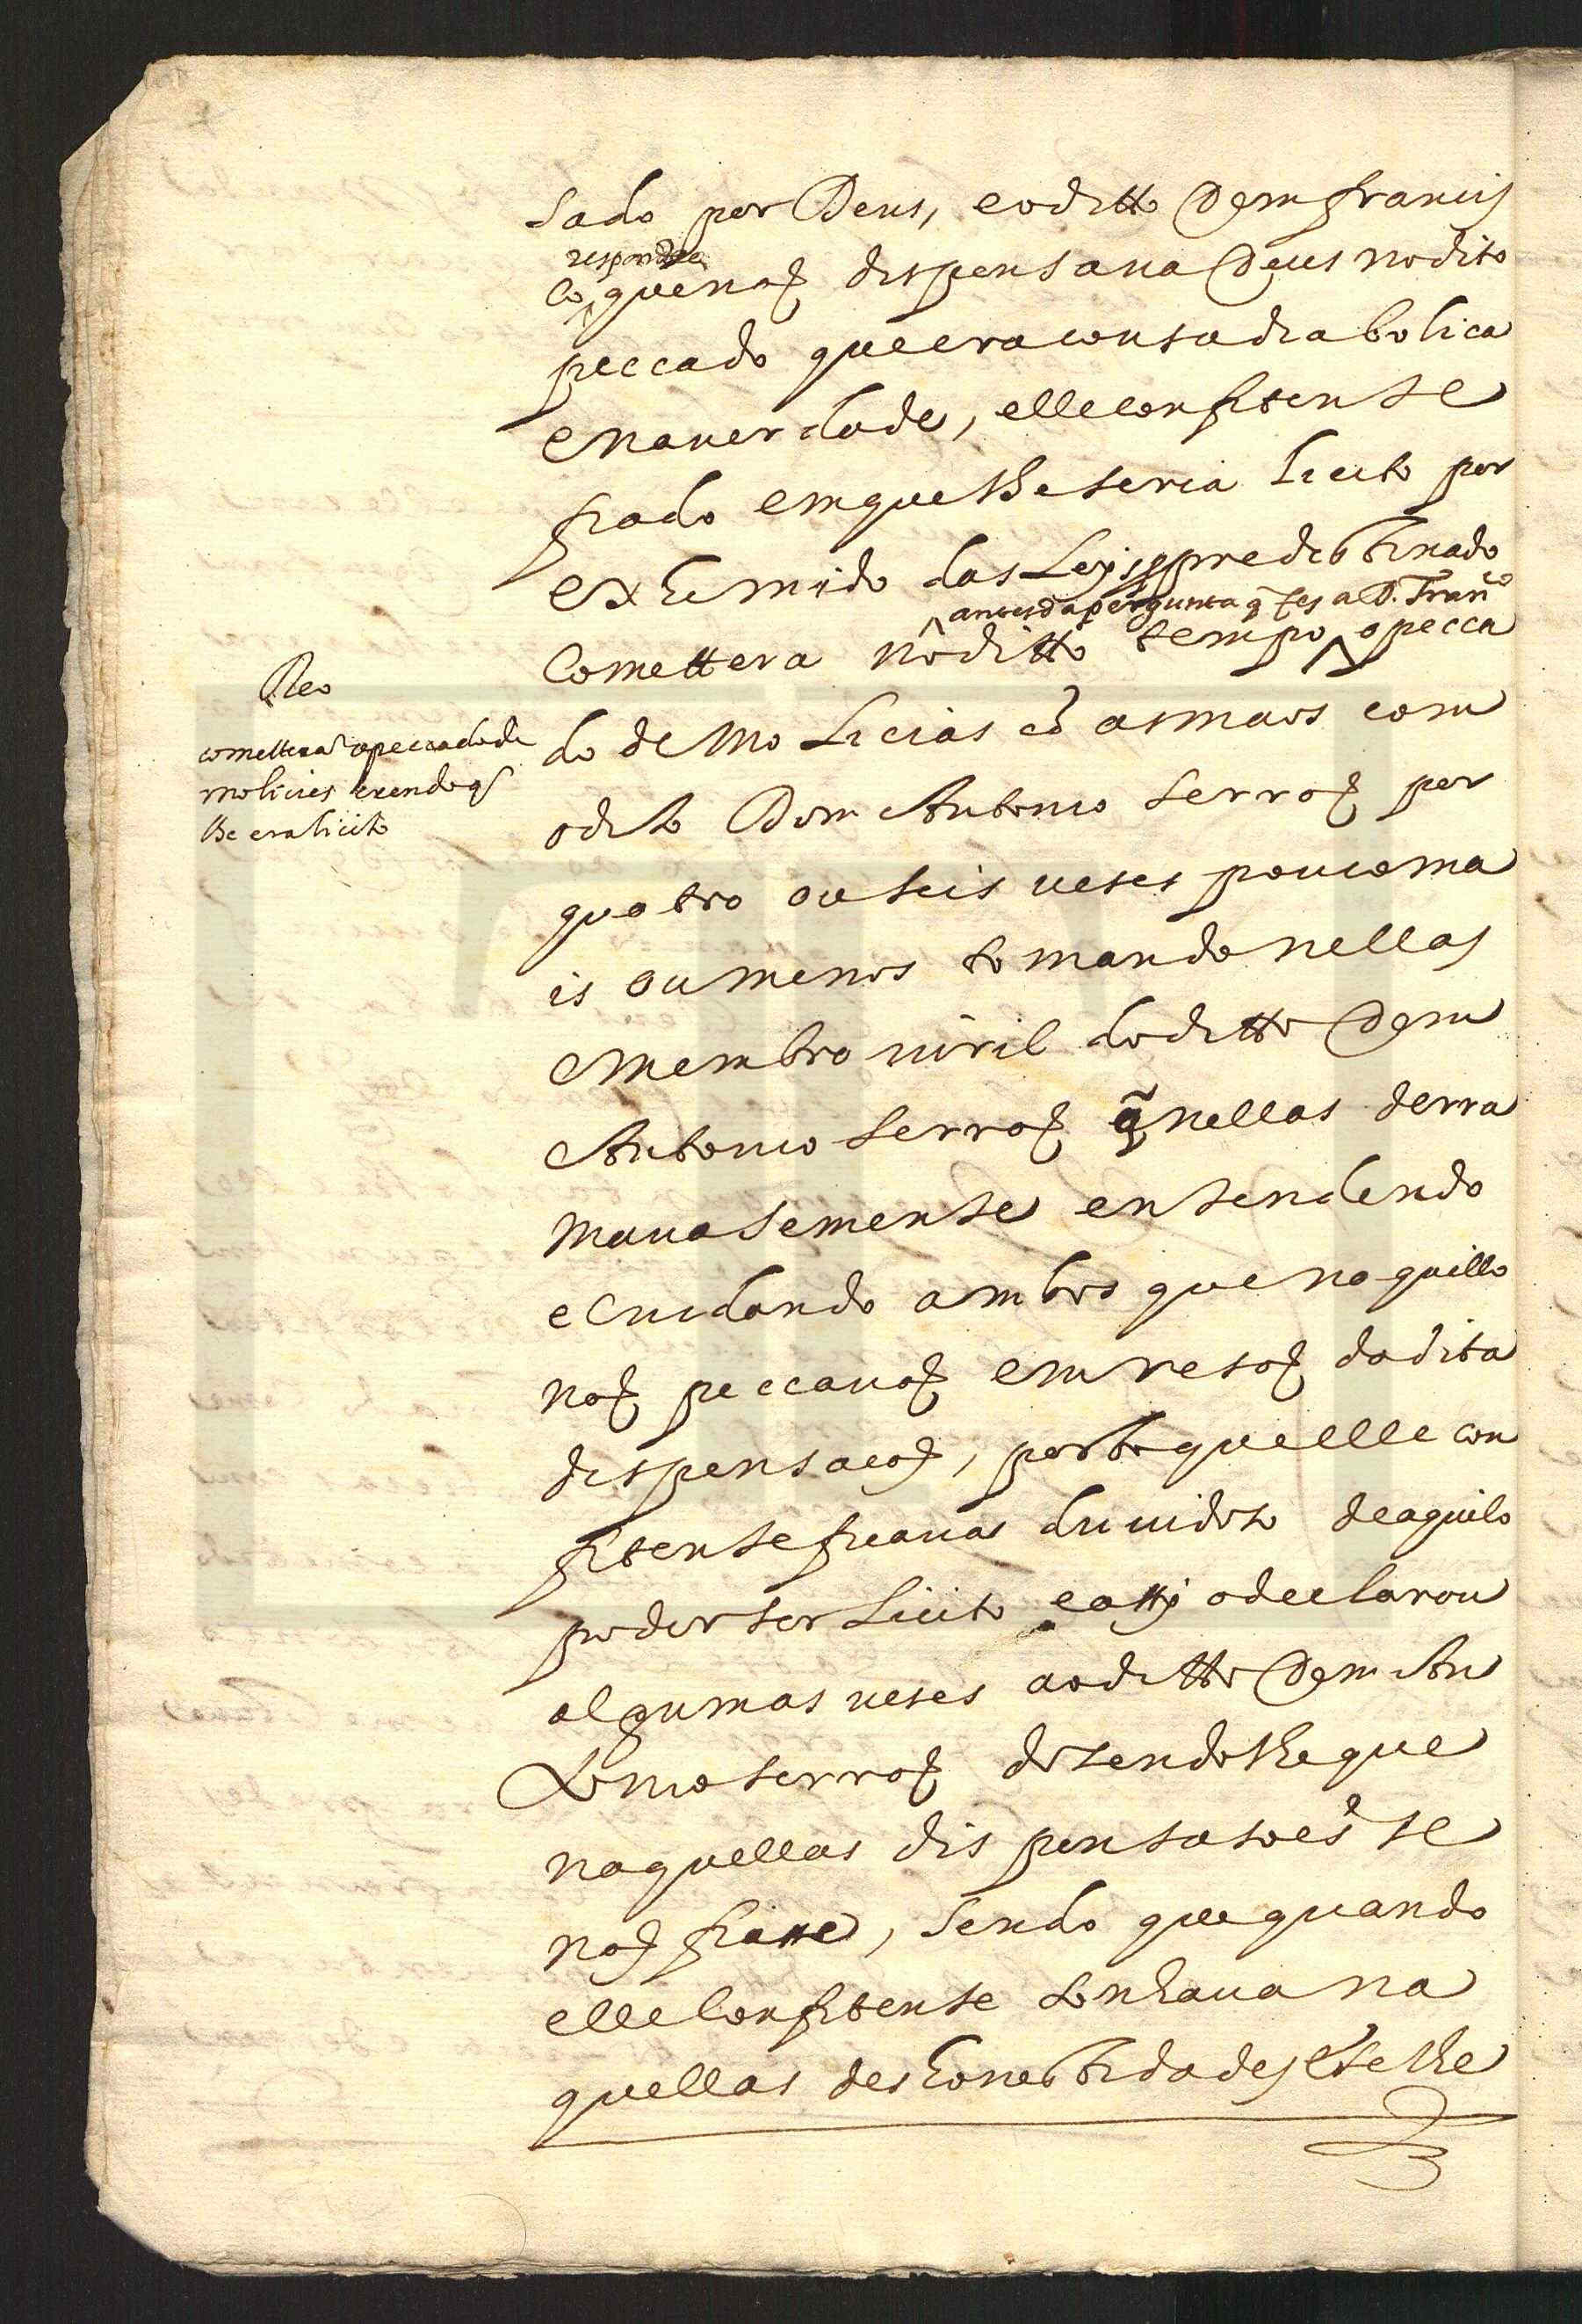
sado per Deus, e o ditto Dom francis
co
respondeo
que naõ dispensaua Deus no dito
peccado que era cousa diabolica
e na uerdade, elle confitente
fiado em que lhe seria Licito per
exhimido das Leys ꝓ predestinado
comettera no ditto tempo
antes da pergunta q̄ fes a D. Franco
o pecca
do de moLicias cō as maos com
o dito Dom Antonio Serraõ per
quatro ou seis ueses pouco ma
is ou menos tomando nellas
o membro uiril do ditto Dom
Antonio Serraõ q̄ nellas derra
maua semente entendendo
e cuidando ambos que naquillo
não peccauão em resão da dita
dispensacaõ, posto que elle con
fitente ficaua duuidozo de aquilo
poder ser Licito e assy o declarou
algumas ueses ao ditto Dom An
tonio serraõ dizendolhe que
naquellas dispensasoes̄ se
naõ fiasse, sendo que quando
elle confitente sonhaua na
quellas deshonestidades e se lhe
